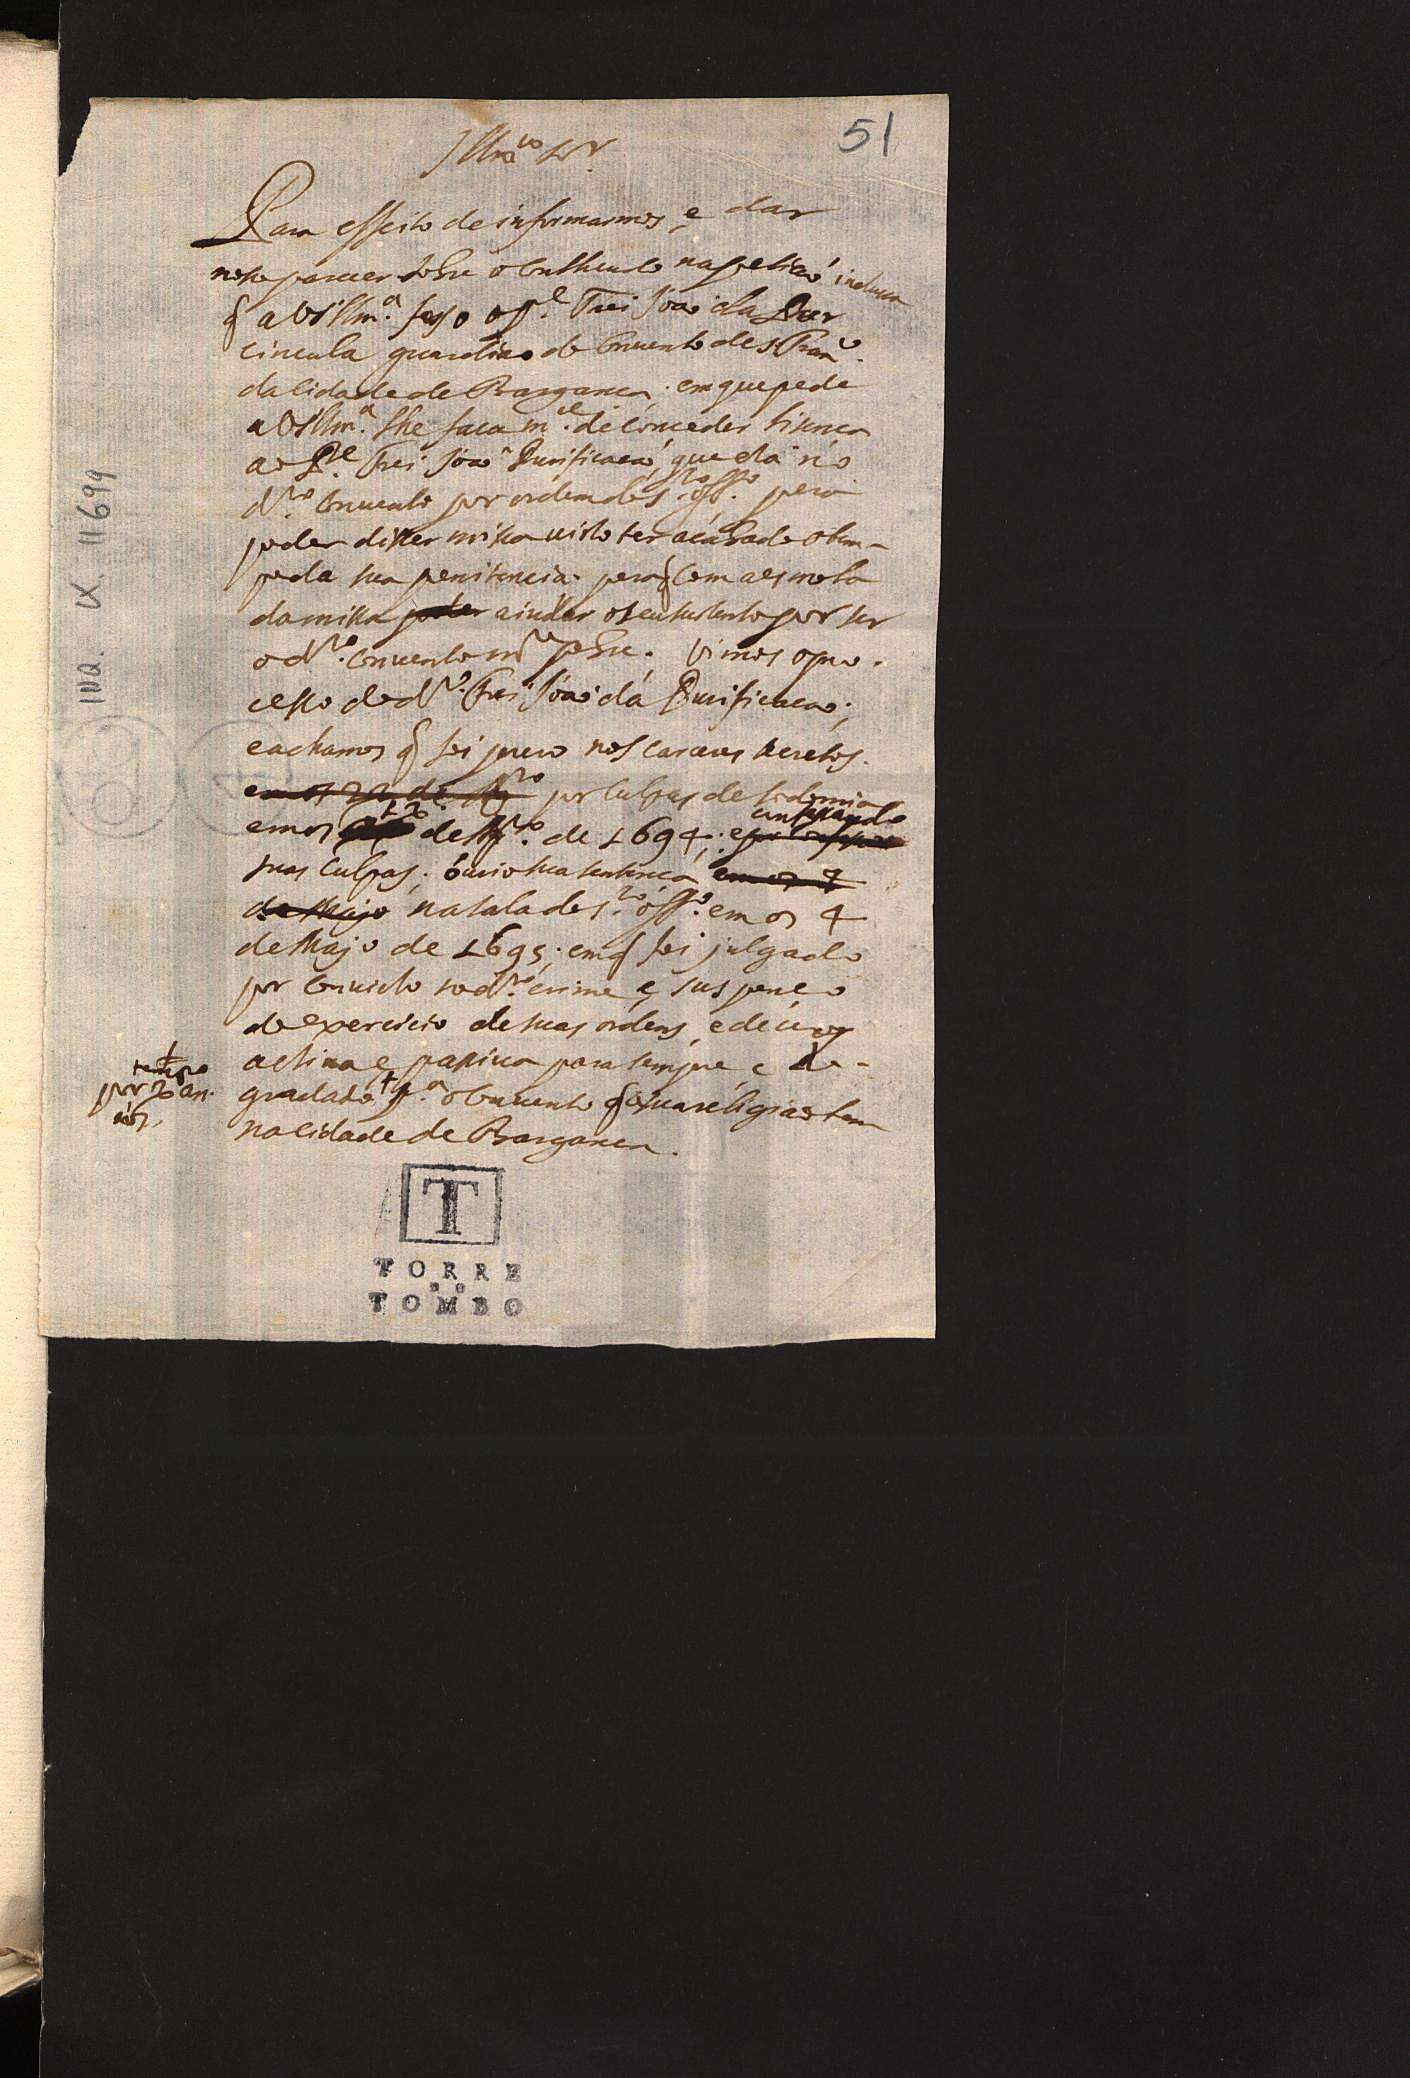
Illmo sor
Para effeito de informarmos, e dar
noso parecer sobre o contheudo na petiçaõ incluza
q̄ a V Illm.a fes o o p.e Frei Joaõ da Por
cincula guardiaõ do conuento de s Franco.
da cidade de Bargança; em que pede
a V Illm.a lhe faça m.ce de conceder lisença
ao P.e Frei Joaõ Purificaçaõ, que ela no
d.to conuento por ordem do s.to off.o pera
poder disser missa uisto ter acabado o tem
po da sua penitencia pera q̄ com a esmola
da missa poder aiudar o seu sustento por ser
o d.to conuento mto pobre; vimos o pro
cesso do do. Frei Joaõ da Purificaçaõ;
e achamos q̄ foi prezo nos carceres secretos
em os 22 de Ago por culpas de sodomia
em os 18 de Ag.o de 1694; e por confessar
confessando
suas culpas, ouuio sua sentença em os 4
de Majo na sala do s.to off.o em os 4
de Majo de 1695; em q̄ foi julgado
por conuicto no d.o crime e suspenço
do exercicio de suas ordens, e de uos
actiua e passiua para sempre e de
tempo
por 8 an
nos.
gradado + p.a o conuento q̄ a sua religiaõ tem
na cidade de Bragança.
